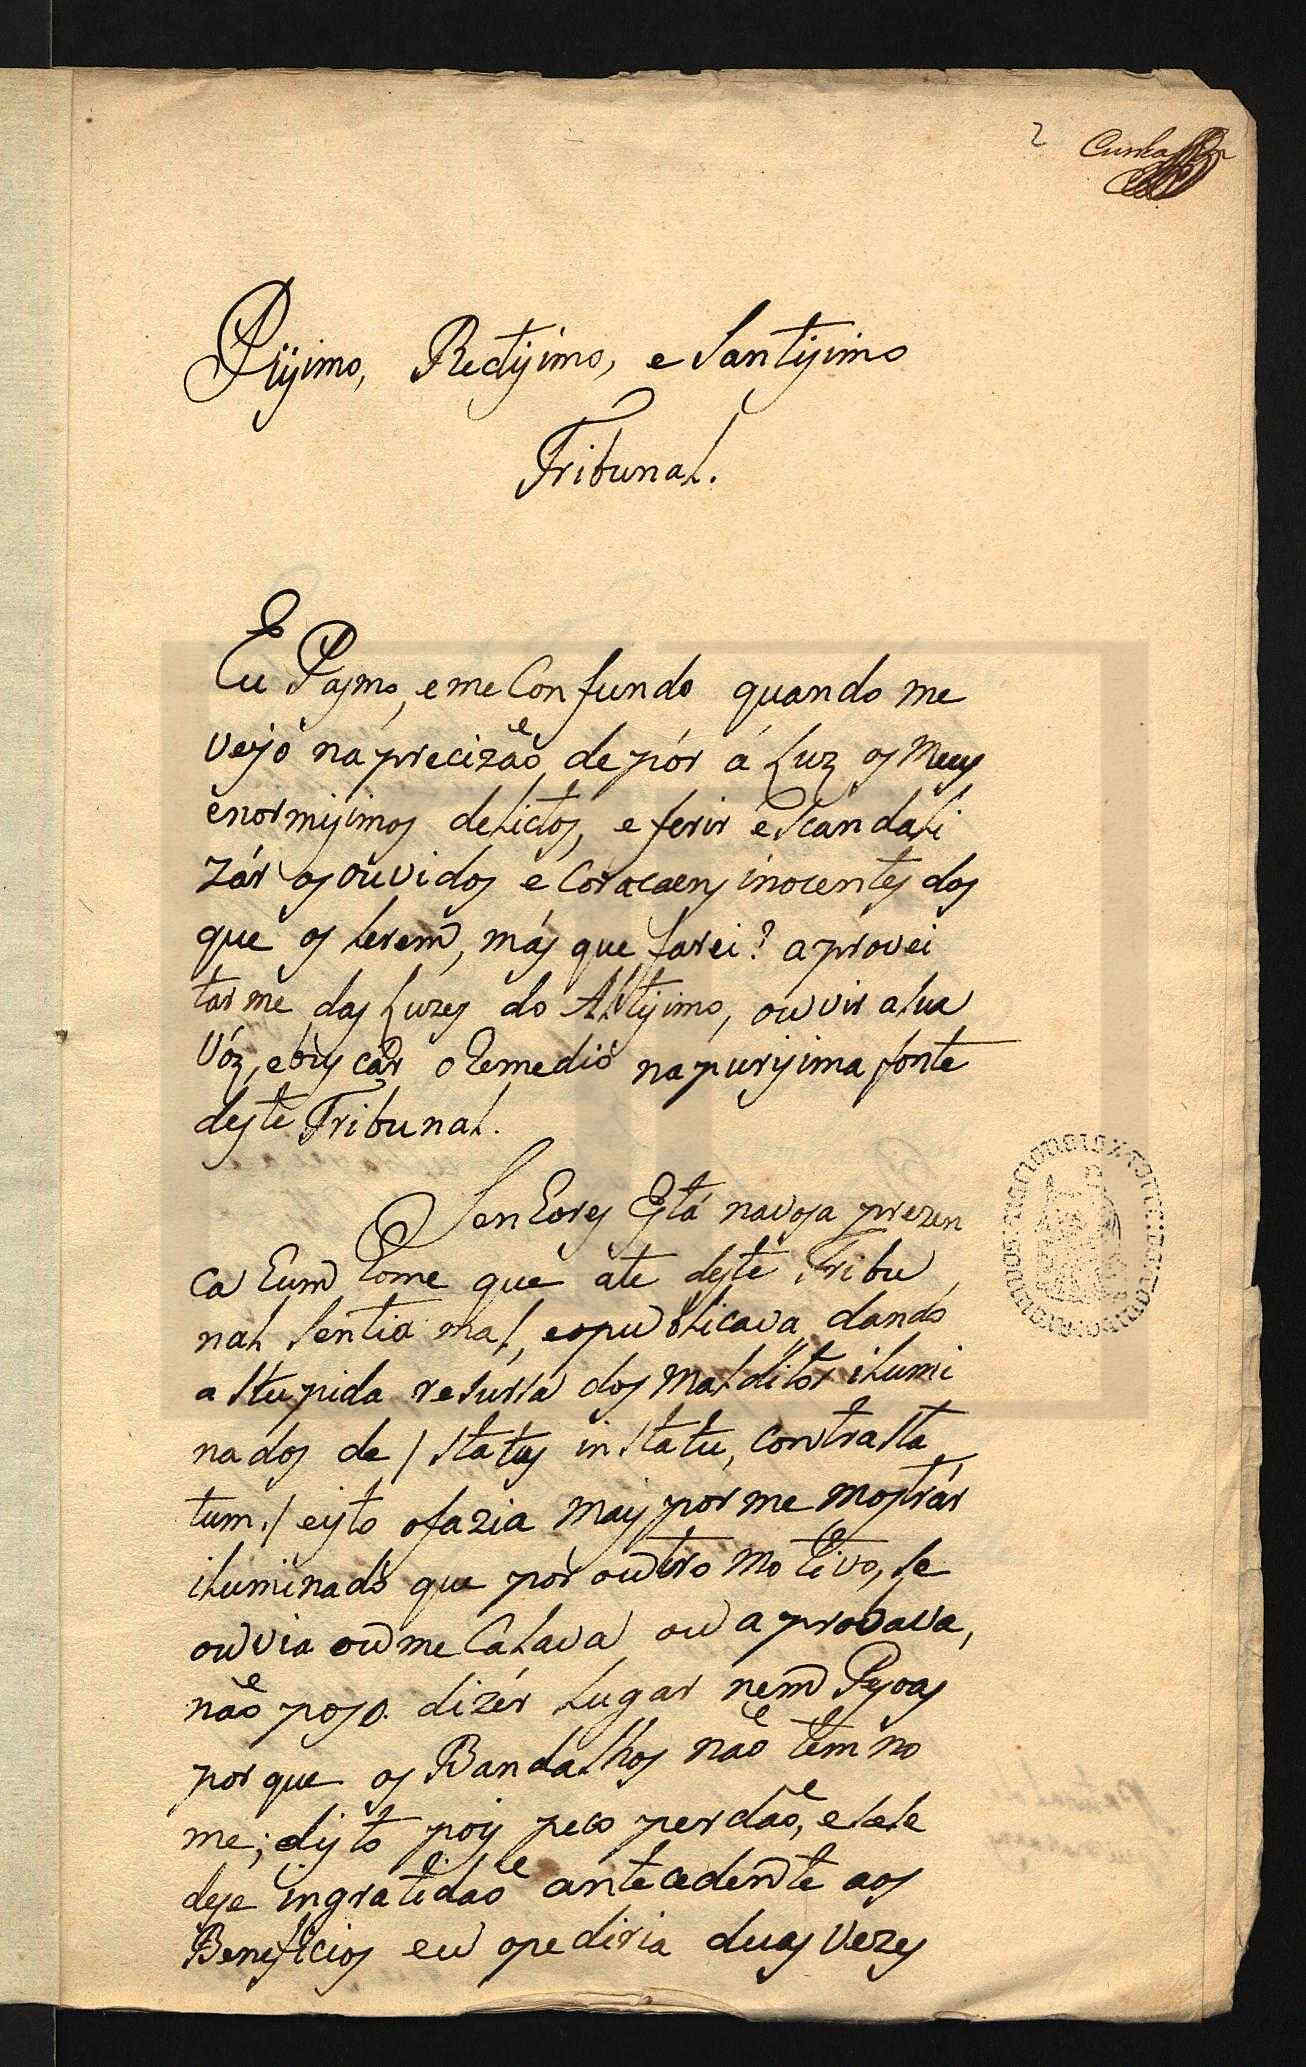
Cunha
Piisimo, Rectisimo, e Santisimo
Tribunal.
Eu Pasmo, e me Confundo quando me
veyo na precizão de pór á Luz os meus
enormisimos deLictos, e ferir e scandaLi
zár os ouvidos e Coracaens inocentes dos
que os Lerem, más que farei? aprovei
tarme das Luzes do Altisimo, ouvir a sua
Vóz, e buscár o Remedio na purisima, fonte
deste Tribunal.
Senhores Está na vosa prezen
ca hum home que ate deste Tribu
nal sentia mal, e o publicava dando
a stupida resursa dos malditos iLumi
nados de / status in statu, contrasta
tum. / e isto o fazia mais por me mostrár
iLuminado que por outro motivo, se
ouvia ou me Calava ou aprovava,
não poso dizér Lugar nem Pesoas
por que os Bandalhos naõ tem no
me; disto pois peco perdaõ, e se se
dese ingratidaõ antecedente aos
Beneficios eu o pediria duas vezes
